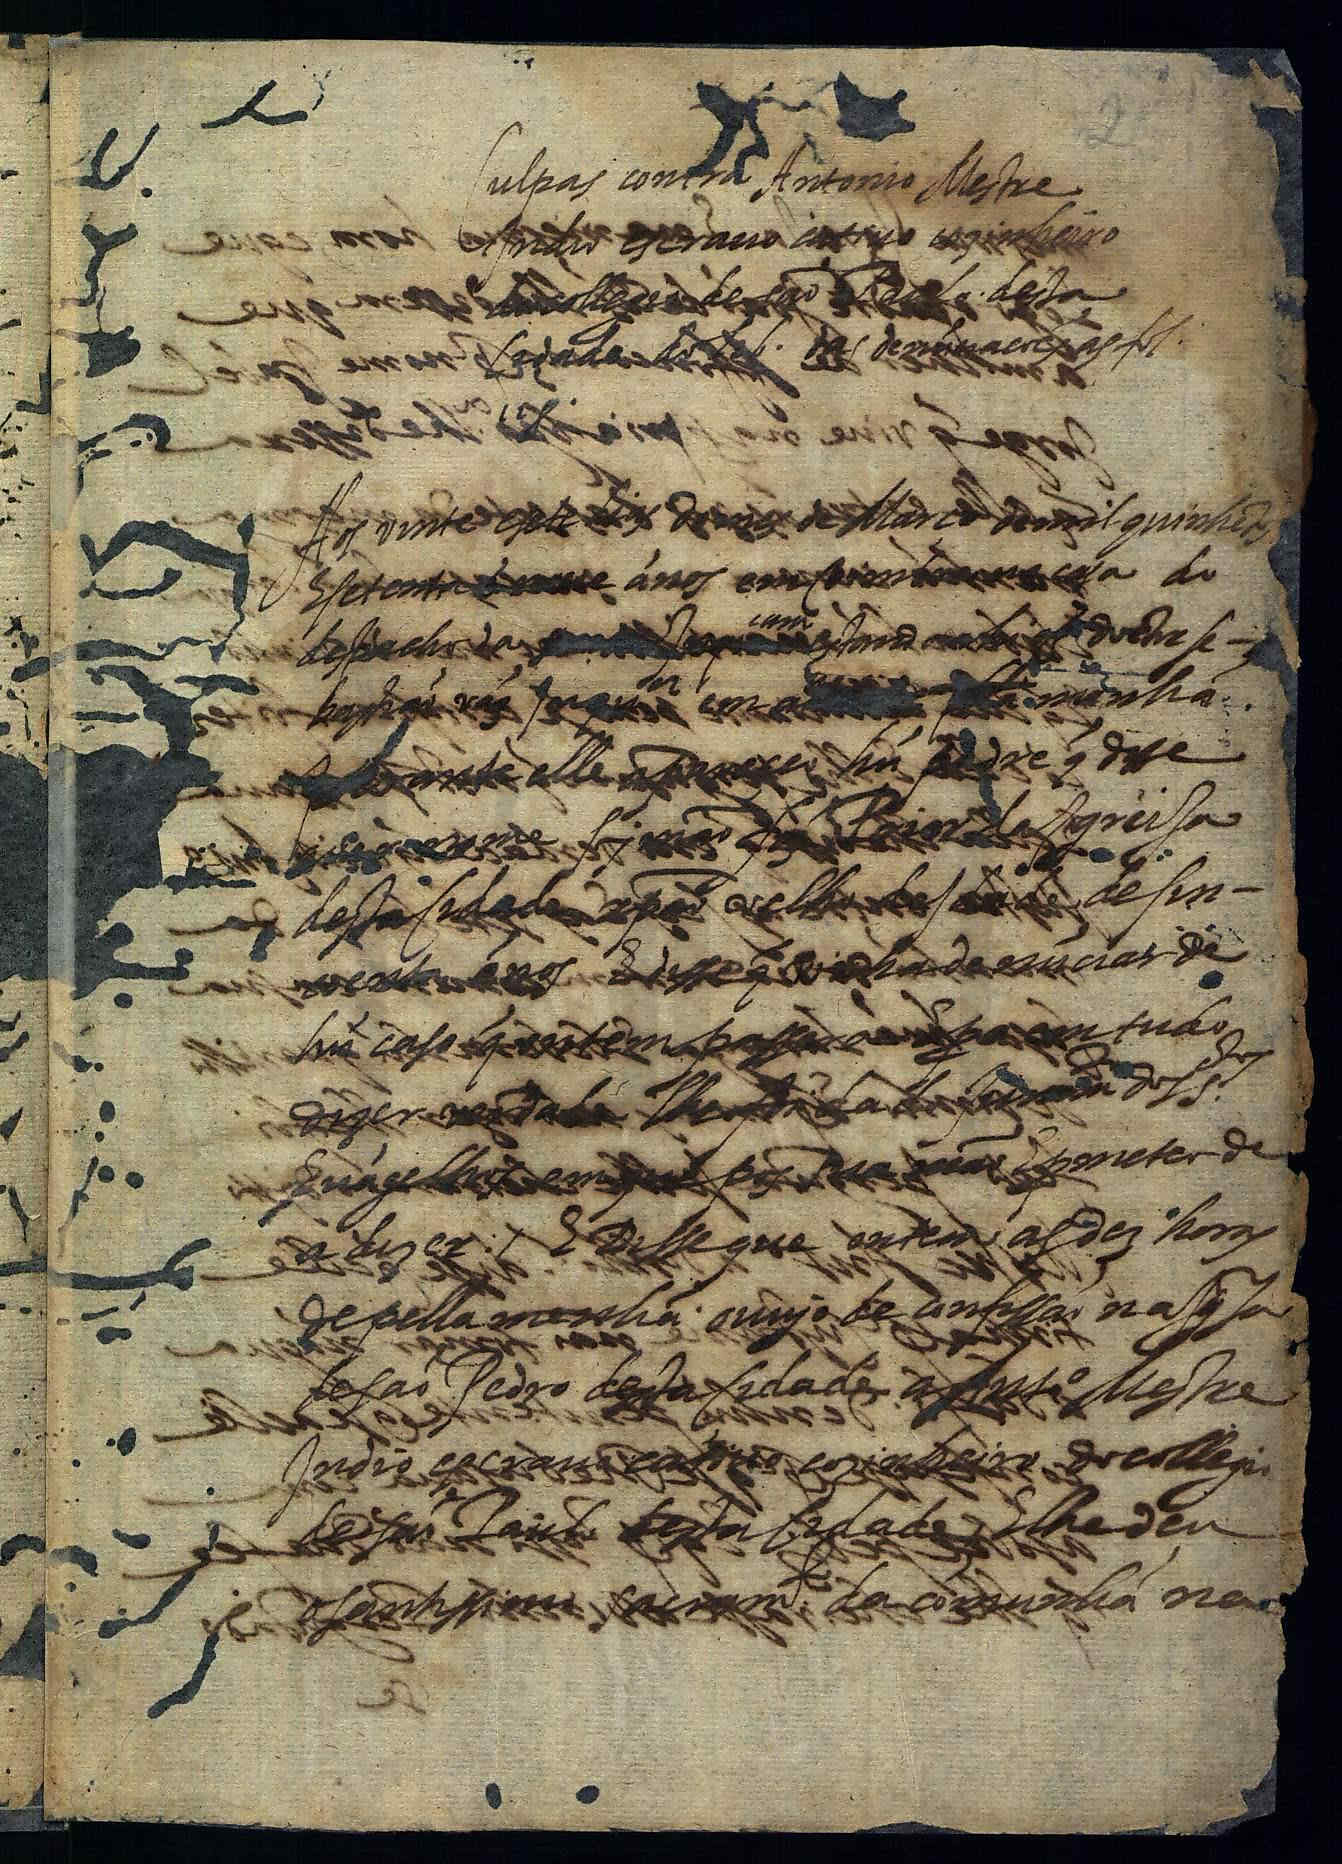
Culpas contra Antonio Mestre
Jndio escrauo catiuo cozinheiro
do collegio de são Paulo desta
Cidade do lib. das denūciaçoẽs as fol.
118.
Aos vinte e sete dias do mes de Março de mil quinhētos
E setenta e noue ānos em Coimbra na casa do
despacho da santa Jnq.çam estando ahi o s̄ doctor se
bastiaõ vaz̄ Jnquor em aud de pella manhā
perante elle apareceo hū padre q̄ disse
auer nome symão frz̄ Prior da JgreiJa
desta Cidade xpão velho de Jdade de sin
coenta ānos E disse q̄ vinha denūciar de
hū caso q̄ ontem passara E ꝑa em tudo
dizer verdade lhe foi dado Juramto dos s.ctos
Euāgelhos em que pos sua maõ E ꝓmeteo de
a dizer./ E Disse que ontem as dez horas
de pella menhā ouujo de confissaõ na JḡJa
de saõ Pedro desta Cidade a Anto Mestre
Jndio escrauo catiuo cozinheiro do collegio
de saõ Paulo desta Cidade, E lhe deu
o santissimo sacramto da comunhā na
